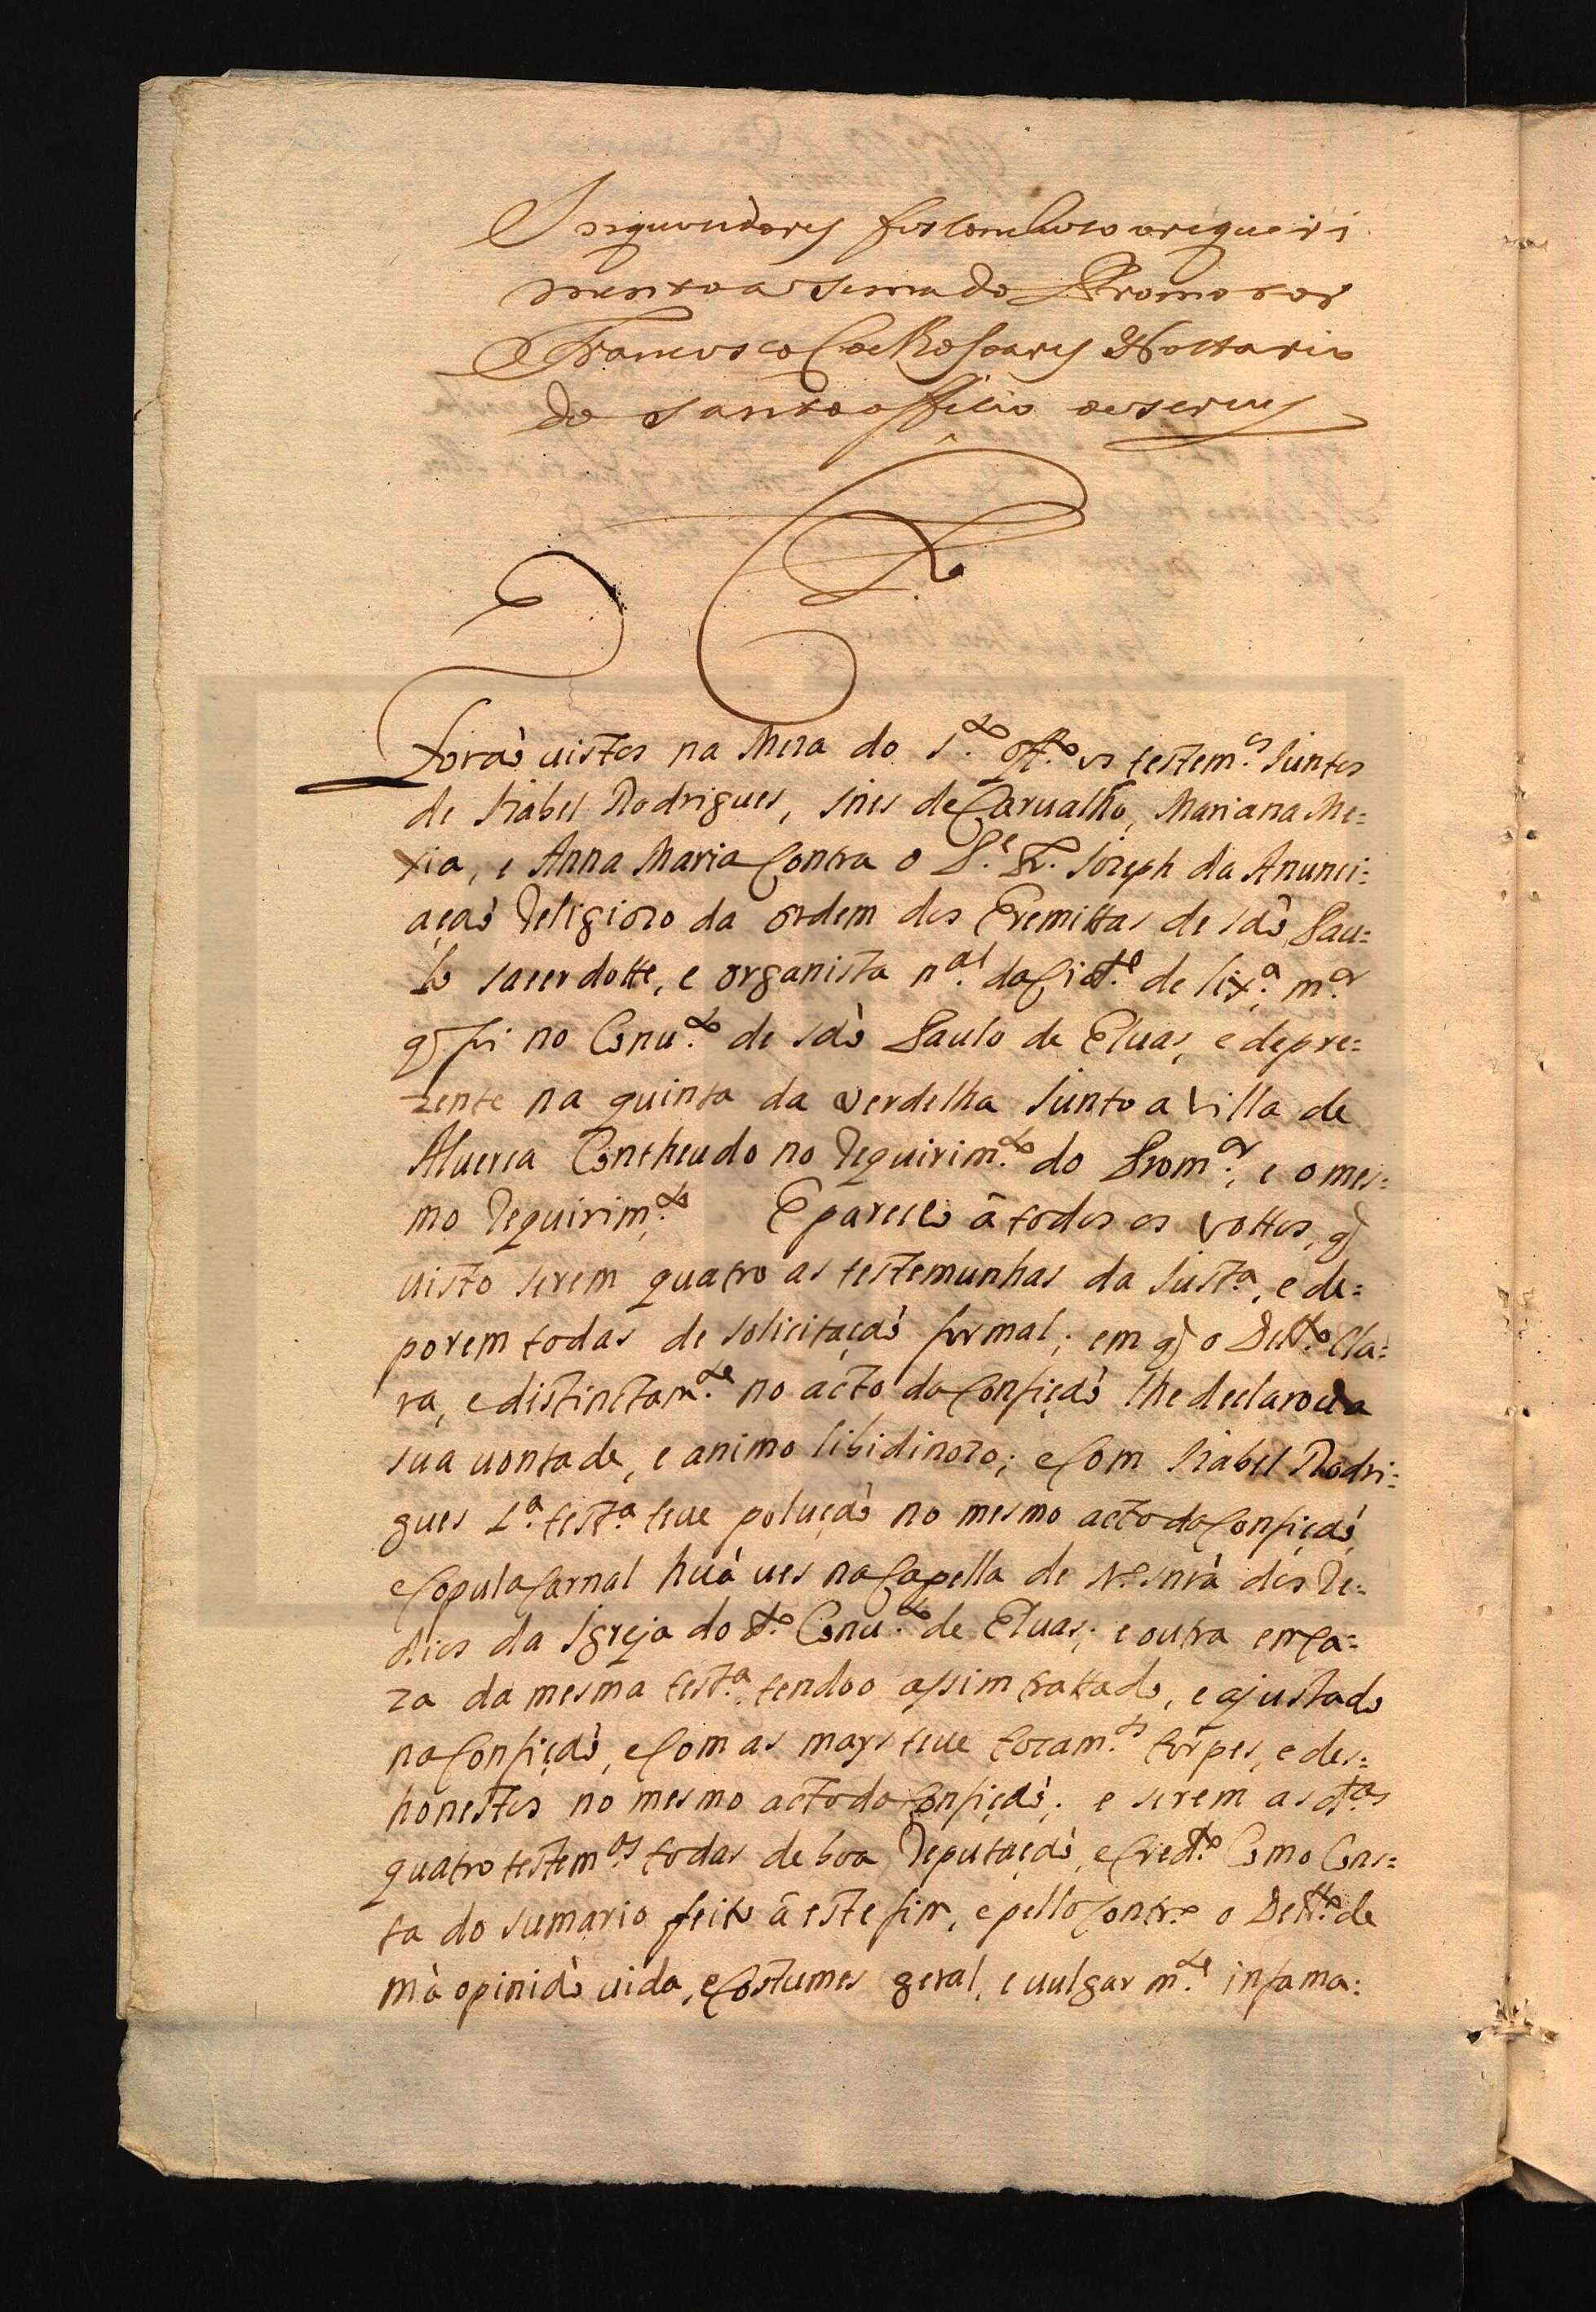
Inquisidores foi concluzo o requeri
mento asima do Promotor
Francisco Coelho Soares Nottario
do Santo officio o escreuj
Foraõ uistos na Meza do s.to off.o os testem.os Iuntos
de Izabel Rodrigues, Ines de Carualho, Mariana Me
xia, e Anna Maria Contra o P.e Fr. Iozeph da Anunci
açaõ Religiozo da ordem dos Eremittas de são Pau
lo sacerdotte, e organista n.al da Cid̄.e de lixa; m.or
q̄ foi no Conu.to de saõ Paulo de Eluas, e de pre
zente na quinta da verdelha Iunto a villa de
Aluerca Contheudo no Requirim.to do Promor; e o mes
mo Requirim.to E paresceo à todos os vottos, q̄
uisto serem quatro as testemunhas da Iust.a, e de
porem todas de solicitaçaõ formal; em q̄ o Delt.o cla
ra, e distinctam.te no acto da Confiçaõ lhe declarou a
sua uontade, e animo libidinozo; e Com Izabel Rodri
gues 1.a test.a teue polução no mesmo acto da Confiçaõ,
e Copula Carnal huā ues na Capella de N.o snrā dos Re
dios da Igreja do d̄.o Conu.to de Eluas; e outra em ca
za da mesma test.a tendoo assim trattado, e ajustado
na Confiçaõ, e Com as mays teue tocam.tos torpes, e des
honestos no mesmo acto da Confiçaõ; e serem as d̄.as
quatro testem.as todas de boa Reputaçaõ, e Cred̄.o Como Cons
ta do sumario feito á este fim, e pello Contr.o o Delt.o de
mà opinião uida, e Costumes geral, e uulgarm.te infama:
